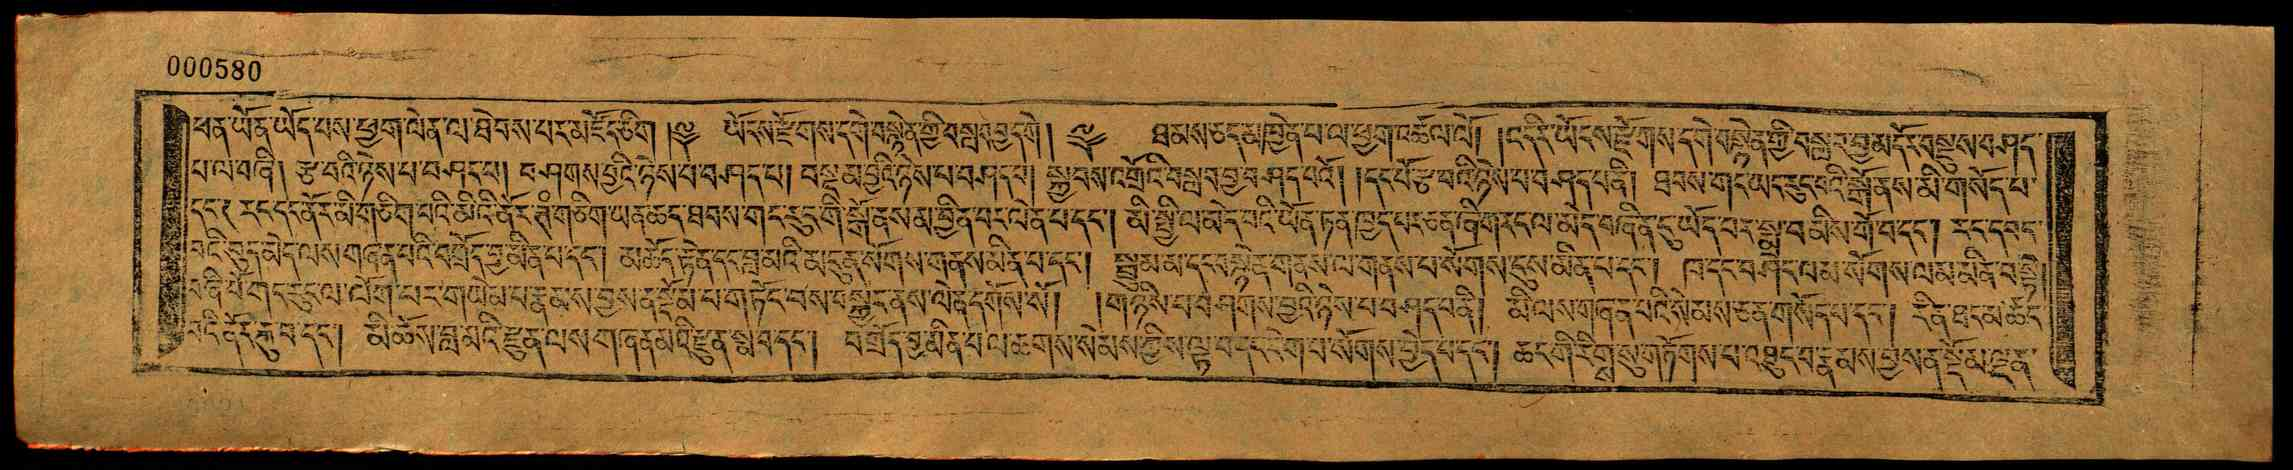ཕན་ཡོན་པས་ཕྱག་ལེན་པ་ཐེབས་པར་མཛོད་ཅིག ། ༈ ཡོངས་རྫོགས་དགེ་བསྙེན་གྱི་བསླབ་བྱ་དགེ། ༈ ཐམས་ཅད་མཁྱེན་པ་ལ་ཕྱག་འཚལ་ལོ། །འདིར་ཡོངས་རྫོགས་དགེ་བསྙེན་གྱི་བསླབ་བྱ་མདོར་བསྡུས་བཤད་
པ་ལ་བཞི། རྩ་བའི་ཉེས་པ་བཤད་པ། བཤགས་བྱའི་ཉེས་པ་བཤད་པ། བསྡམ་བྱའི་ཉེས་པ་བཤད་པ། སྐྱབས་འགྲོའི་བསླབ་བྱ་བཤད་པའོ། །དང་པོ་རྩ་བའི་ཉེས་པ་བཤད་པ་ནི། ཐབས་གང་ཡང་རུང་བའི་སྒོ་ནས་མི་གསོད་པ་
དང་། རང་དང་ནོར་མི་གཅིག་པའི་མིའི་ནོར་ཊཾ་གཅིག་ཡན་ཆད་ཐབས་གང་རུང་གི་སྒོ་ནས་མ་བྱིན་པར་ལེན་པ་དང་། མི་སྤྱི་ལ་མེད་པའི་ཡོན་ཏན་ཁྱད་པར་ཅན་ཞིག་རང་ལ་མེད་བཞིན་དུ་ཡོད་པར་སྨྲ་བ་མིས་གོ་བ་དང་། རང་དབང་
བའི་བུད་མེད་ལས་གཞན་པའི་བགྲོད་བྱ་མིན་པ་དང་། མཆོད་རྟེན་དང་བླ་མའི་མདུན་སོགས་གནས་མིན་པ་དང་། སྦྲུམ་མ་དང་བསྙེན་གནས་ལ་གནས་པ་སོགས་དུས་མིན་པ་དང་། ཁ་དང་བཤད་ལམ་སོགས་ལམ་མིན་པ་སྟེ་
བཞི་པོ་གང་རུང་ལ་ལོག་པར་གཡེམ་པ་རྣམས་བྱས་ན་སྡོམ་པ་གཏོང་བས་བསྐྱར་ནས་ལེན་དགོས་སོ། །གཉིས་པ་བཤགས་བྱའི་ཉེས་པ་བཤད་པ་ནི། མི་ལས་གཞན་པའི་སེམས་ཅན་གསོད་པ་དང་། རིན་ཐང་མི་ཚང་
བའི་ནོར་རྐུ་བ་དང་། མི་ཆོས་བླ་མའི་རྫུན་ལས་གཞན་པའི་རྫུན་སྨྲ་བ་དང་། བགྲོད་བྱ་མིན་པ་ལ་ཆགས་སེམས་ཀྱིས་ལྟ་བ་དང་རེག་པ་སོགས་བྱེད་པ་དང་། ཆང་གི་རིགས་སུ་གཏོགས་པ་འཐུང་བ་རྣམས་བྱས་ན་སྡོམ་ལྡན་